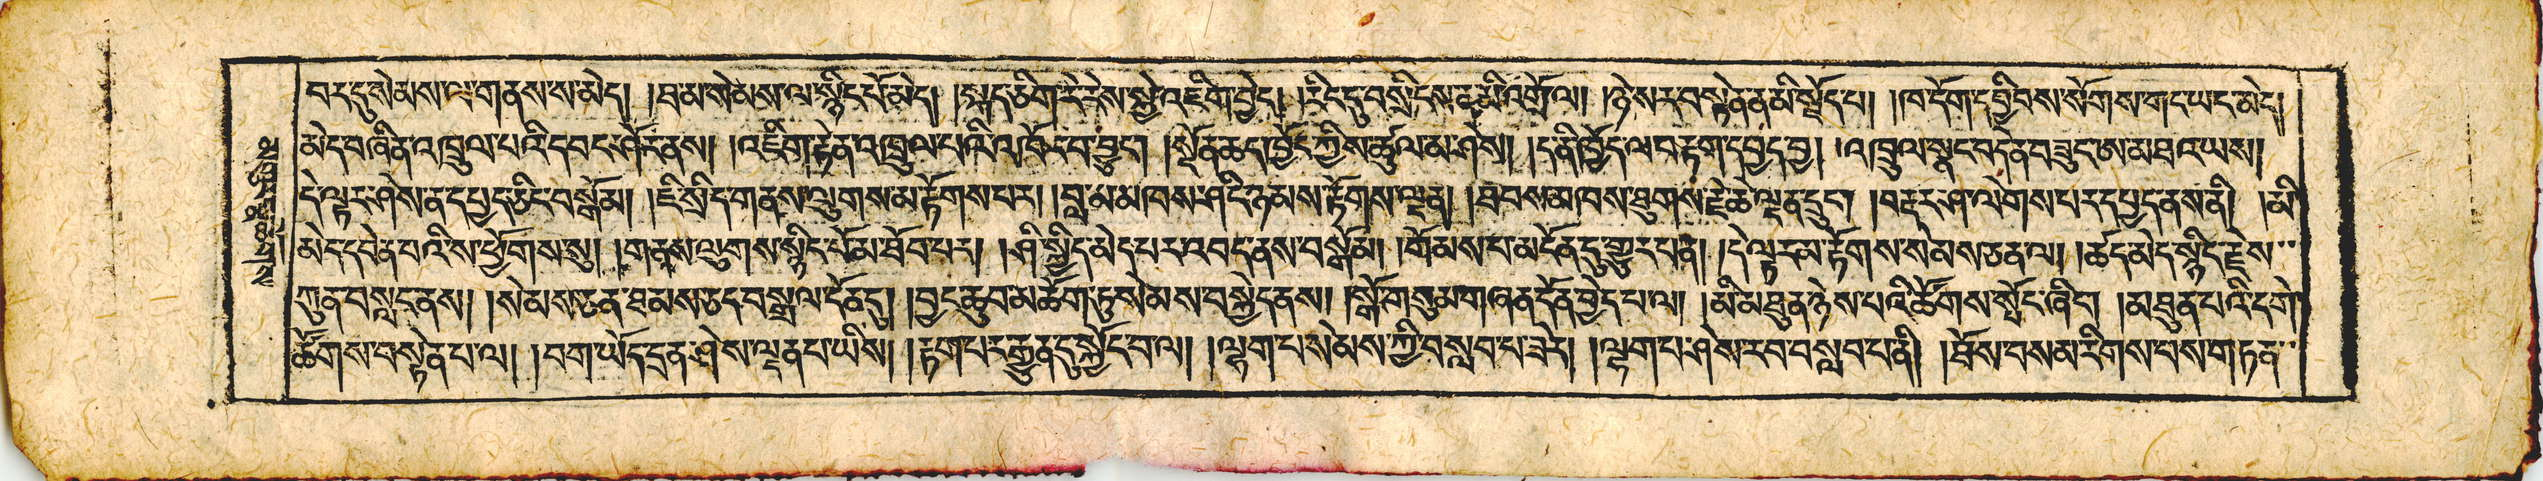བར་དུ་སེམས་ལ་གནས་ས་མེད། །ཐ་མ་སེམས་ལ་སྙིང་པོ་མེད། །ད་ཅིག་རེ་རེས་སྐྱེ་འཇིག་བྱེད། །རིང་དུ་བསྲིངས་ན་མི་འགྲོ་ལ། །ཉེ་སར་བསྟན་ན་མི་སྡོད་པ། །ཁ་དོག་དབྱིབས་སོགས་གང་ཡང་མེད། །
མེད་བཞིན་འཁྲུལ་པའི་དབང་ཤོར་ནས། །འཇིག་རྟེན་འཁྲུལ་པའི་འཁོར་བ་བྱུང་། །སྔོན་ཆད་ཁྱོད་ཀྱིས་ཚུལ་མ་ཤེས། །ད་ནི་ཁྱོད་ལ་བརྟག་དབྱད་བྱ། འཁྲུལ་སྣང་བདེན་བཟུང་ཨ་མཐའ་ལས། །
དེ་ལྟར་ཤེས་ན་དཔྱད་ཅིང་བསྒོམ། །ཇི་སྲིད་གནས་ལུགས་མ་རྟོགས་པར། །བླ་མ་མཁས་ཤིང་ཉམས་རྟོགས་ལྡན། །ཐབས་མཁས་ཐུགས་རྗེ་ཆེ་ལྡན་དྲུང་། །བརྡར་ཤ་ལེགས་པར་དཔྱད་ནས་ནི། །མི་
མེད་དབེན་པའི་ས་ཕྱོགས་སུ། །གནས་ལུགས་སྙིང་པོ་མ་ཐོབ་པར། །ཤ་སྐྱིད་མེད་པར་འབད་ནས་བསྒོམ། །གོམས་པ་མངོན་དུ་གྱུར་པ་ན། །དེ་ལྟར་མ་རྟོགས་སེམས་ཅན་ལ། །ཚད་མེད་སྙིང་རྗེས་
ཀུན་བསླང་ནས། །སེམས་ཅན་ཐམས་ཅད་བསྒྲལ་དོན་དུ། །བྱང་ཆུབ་མཆོག་ཏུ་སེམས་བསྐྱེད་ནས། །སྒོ་གསུམ་གཞན་དོན་བྱེད་པ་ལ། །མི་མཐུན་ཉེས་པའི་ཚོགས་སྤོང་ཞིག །མཐུན་པའི་དགེ་
ཚོགས་བསྟེན་པ་ལ། །བག་ཡོད་དྲན་ཤེས་ལྡན་པ་ཡིས། །རྟག་པར་རྒྱུན་དུ་སྐྱོང་བ་ལ། །ལྷག་པ་སེམས་ཀྱི་བསླབ་པ་ཟེར། །ལྷག་པ་ཤེས་རབ་བསླབ་པ་ནི། །ཐོས་བསམ་རིགས་པས་གཏན་